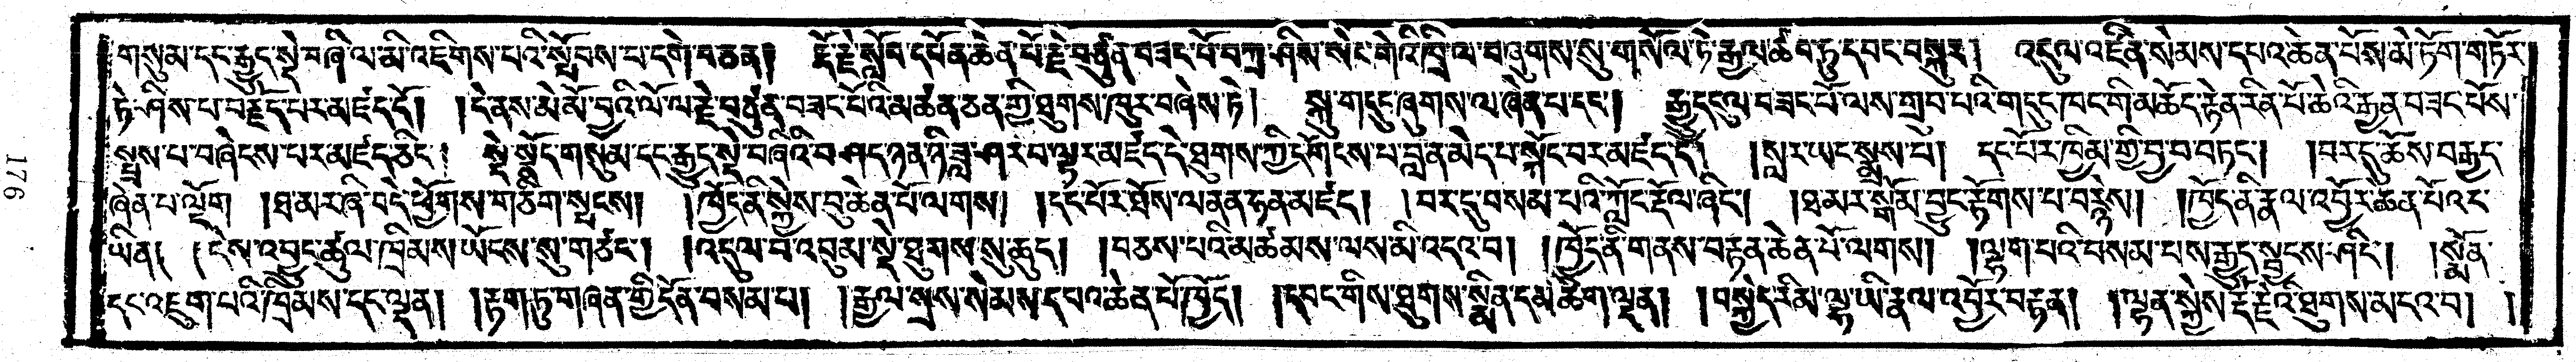གསུམ་དང་རྒྱུད་སྡེ་བཞི་ལ་མི་འཇིགས་པའི་སྤོབས་པ་དགེ་བ་ཅན། རྡོ་རྗེ་སློབ་དཔོན་ཆེན་པོ་རྗེ་བཙུན་བཟང་པོ་བཀྲ་ཤིས་སེང་གེའི་ཁྲི་ལ་བཞུགས་སུ་གསོལ་ཏེ་རྒྱལ་ཚབ་ཏུ་དབང་བསྐུར། འདུལ་འཛིན་སེམས་དཔའ་ཆེན་པོས་མེ་ཏོག་གཏོར་
ཏེ་ཤིས་པ་བརྗོད་པར་མཛད་དོ། །དེ་ནས་མེ་མོ་བྱའི་ལོ་ལ་རྗེ་བཙུན་བཟང་པོའི་མཚན་ཅན་གྱི་ཐུགས་ཁུར་བཞེས་ཏེ། སྐུ་གདུང་ཞུགས་ལ་ཞེན་པ་དང་། རྒྱུ་དངུལ་བཟང་པོ་ལས་གྲུབ་པའི་གདུང་ཁང་གི་མཆོད་རྟེན་རིན་པོ་ཆེའི་རྒྱན་བཟང་པོས་
སྤྲས་པ་བཞེངས་པར་མཛད་ཅིང་། སྡེ་སྣོད་གསུམ་དང་རྒྱུད་སྡེ་བཞིའི་བཤད་ཉན་ཉི་ཟླ་ཤར་བ་ལྟར་མཛད་དེ་ཐུགས་ཀྱི་དགོངས་པ་བླ་ན་མེད་པ་སྐོང་བར་མཛད་དོ། །སླར་ཡང་སྨྲས་པ། དང་པོར་ཁྱིམ་གྱི་བྱ་བ་བཏང་། །བར་དུ་ཆོས་བརྒྱད་
ཞེན་པ་ལྡོག །ཐ་མར་ཞི་བདེ་ཕྱོགས་གཅིག་སྤངས། །ཁྱོད་ནི་སྐྱེས་བུ་ཆེན་པོ་ལགས། །དང་པོར་ཐོས་ལ་ནན་ཏན་ཧན་མཛད། །བར་དུ་བསམ་པའི་ཀློང་རྡོལ་ཞིང་། །ཐ་མར་སྒོམ་བྱུང་རྟོགས་པ་བརྙེས། །ཁྱོད་ནི་རྣལ་འབྱོར་ཆེན་པོའང་
ཡིན༑ ༑དེས་འབྱུང་ཚུལ་ཁྲིམས་ཡོངས་སུ་གཙང་། །འདུ་ལ་བ་འབུམ་སྡེ་ཐུགས་སུ་ཆུད། །བཅས་པའི་མཚམས་ལས་མི་འདའ་བ། །ཁྱོད་ནི་གནས་བརྟན་ཆེན་པོ་ལགས། །ལྷག་པའི་བསམ་པས་རྒྱུད་སྦྱངས་ཤིང་། །སྨོན་
དང་འཇུག་པའི་ཁྲིམས་དང་ལྡན། །རྟག་ཏུ་གཞན་གྱི་དོན་བསམ་པ། །རྒྱལ་སྲས་སེམས་དཔའ་ཆེན་པོ་ཁྱོད། །དབང་གིས་ཐུགས་སྨིན་དམ་ཚིག་ལྡན། །བསྐྱེད་རིམ་ལྷ་ཡི་རྣལ་འབྱོར་བརྟན། །ལྷན་སྐྱེས་རྡོ་རྗེའི་ཐུགས་མངའ་བ། །